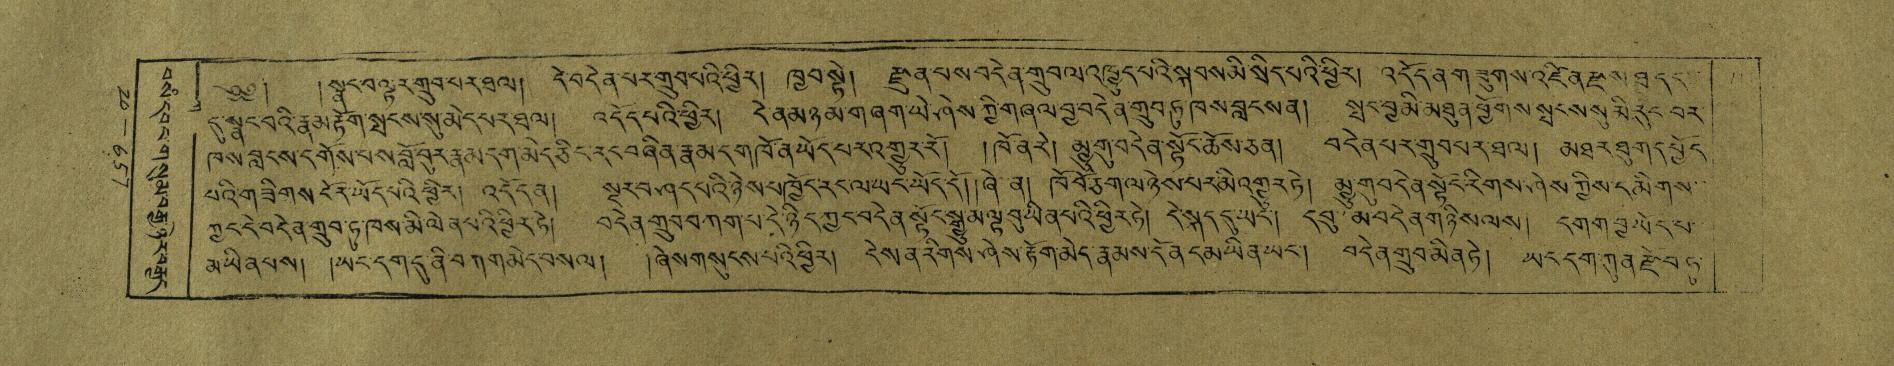༄༅། །སྣང་བ་ལྟར་གྲུབ་པར་ཐལ། དེ་བདེན་པར་གྲུབ་པའི་ཕྱིར། ཁྱབ་སྟེ། རྫུན་པས་བདེན་གྲུབ་ལ་འཁྱུད་པའི་སྐབས་མི་སྲིད་པའི་ཕྱིར། འདོད་ན་གཟུགས་འཛིན་རྫས་ཐ་དད་
དུ་སྣང་བའི་རྣམ་རྟོག་སྤངས་སུ་མེད་པར་ཐལ། འདོད་པའི་ཕྱིར། དེ་ན་མཉམ་གཞག་ཡེ་ཤེས་ཀྱི་གཞལ་བྱ་བདེན་གྲུབ་ཏུ་ཁས་བླངས་ན། སྤང་བྱ་མི་མཐུན་ཕྱོགས་སྤངས་སུ་མི་རུང་བར་
ཁས་བླངས་དགོས་པས་བློ་བུར་རྣམ་དག་མེད་ཅིང་རང་བཞིན་རྣམ་དག་ཁོ་ན་ཡོད་པར་འགྱུར་རོ། །ཁོ་ན་རེ། མྱུ་གུ་བདེན་སྟོང་ཆོས་ཅན། བདེན་པར་གྲུབ་པར་ཐལ། མཐར་ཐུག་དཔྱོད་
པའི་གཟིགས་དོར་ཡོད་པའི་ཕྱིར། འདོད་ན། སྔར་བཤད་པའི་ཉེས་པ་ཁྱོད་རང་ལ་ཡང་ཡོད་དོ། །ཞེ་ན། ཁོ་བོ་ཅག་ལ་ཉེས་པར་མི་འགྱུར་ཏེ། མྱུ་གུ་བདེན་སྟོང་རིགས་ཤེས་ཀྱིས་དམིགས་
ཀྱང་དེ་བདེན་གྲུབ་ཏུ་ཁས་མི་ལེན་པའི་ཕྱིར་ཏེ། བདེན་གྲུབ་བཀག་པ་དེ་ཉིད་ཀྱང་བདེན་སྟོང་སྒྱུ་མ་ལྟ་བུ་ཡིན་པའི་ཕྱིར་ཏེ། དེ་སྐད་དུ་ཡང་། དབུ་མ་བདེན་གཉིས་ལས། དགག་བྱ་ཡོད་པ་
མ་ཡིན་པས། །ཡང་དག་དུ་ནི་བཀག་མེད་བསལ། །ཞེས་གསུངས་པའི་ཕྱིར། དེས་ན་རིགས་ཤེས་རྟོག་མེད་རྣམས་དོན་དམ་ཡིན་ཡང་། བདེན་གྲུབ་མིན་ཏེ། ཡང་དག་ཀུན་རྫོབ་ཏུ་